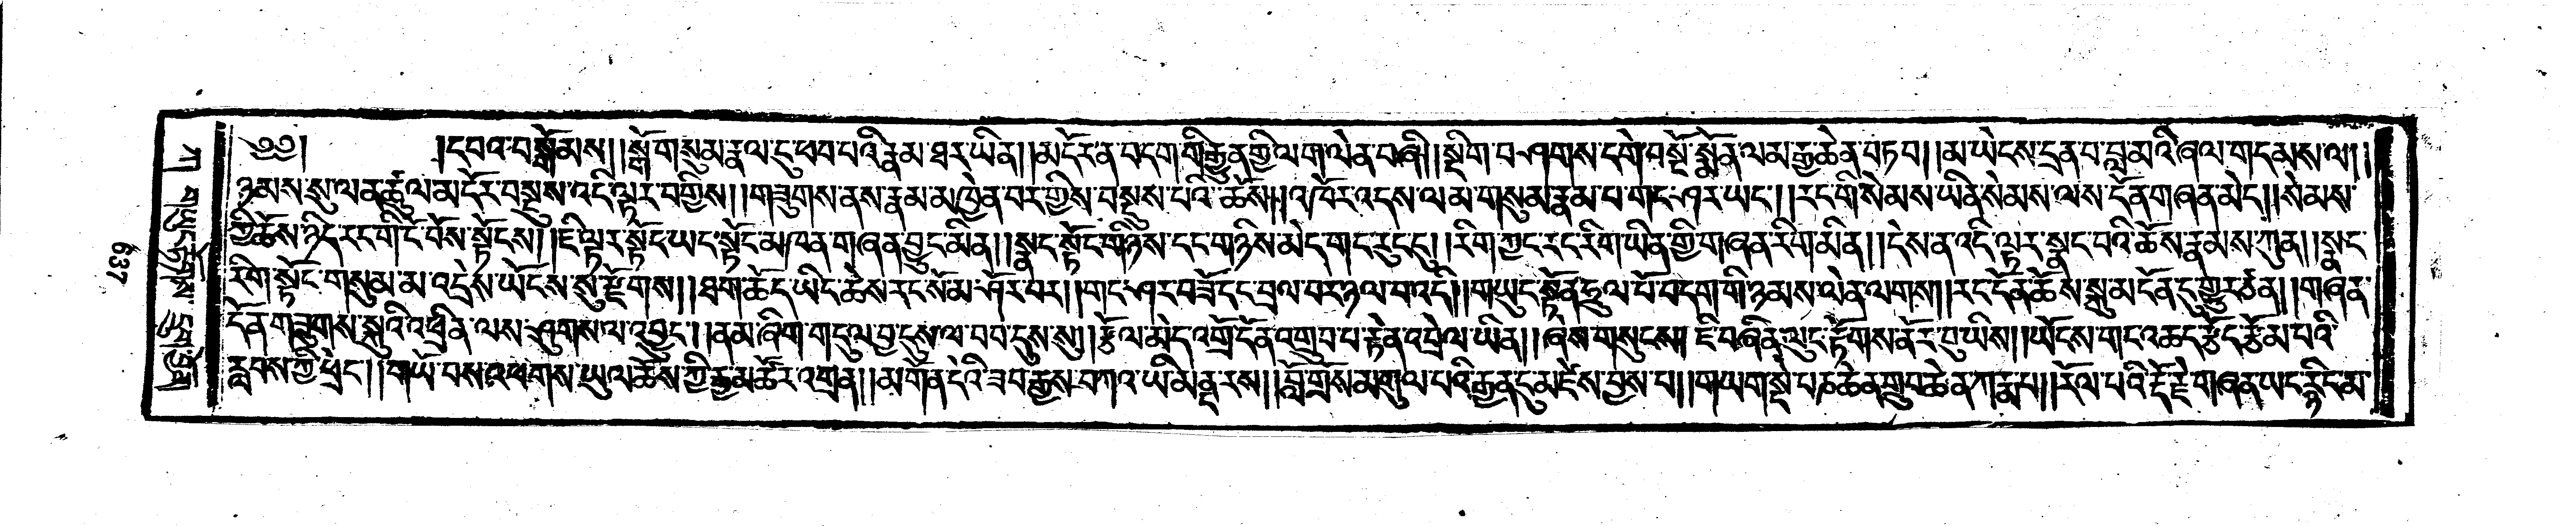༄༅། །དཔའ་བསྒོམས། །སྒོ་གསུམ་རྣལ་དུ་ཕབ་པའི་རྣམ་ཐར་ཡིན། །མདོར་ན་བདག་གི་རྒྱུན་གྱི་ལག་ལེན་བཞི། །སྡིག་བཤགས་དགེ་བསྔོ་སྨོན་ལམ་རྒྱ་ཆེན་བཏབ། །མ་ཡེངས་དྲན་པ་བླ་མའི་ཞལ་གདམས་ལ། །
ཉམས་སུ་ལེན་ཚུལ་མདོར་བསྡུས་འདི་ལྟར་བགྱིས། །གཟུགས་ནས་རྣམ་མཁྱེན་བར་གྱིས་བསྡུས་པའི་ཆོས། །འཁོར་འདས་ལམ་གསུམ་རྣམ་པ་གང་ཤར་ཡང་། །རང་གི་སེམས་ཡིན་སེམས་ལས་དོན་གཞན་མེད། །སེམས་
ཀྱི་ཆོས་ཉིད་རང་གི་ངོ་བོས་སྟོངས། །ཇི་ལྟར་སྟོང་ཡང་སྟོང་མཁན་གཞན་བྱུང་མིན། །སྣང་སྟོང་གཉིས་དང་གཉིས་མེད་གང་རུང་དུ། །རིག་ཀྱང་རང་རིག་ཡིན་གྱི་གཞན་རིག་མིན། །དེས་ན་འདི་ལྟར་སྣང་བའི་ཆོས་རྣམས་ཀུན། །སྣང་
རིག་སྟོང་གསུམ་མ་འདྲེས་ཡོངས་སུ་རྫོགས། །ཐག་ཆོད་ཡིད་ཆེས་རང་སོ་མ་ཤོར་བར། །གང་ཤར་བཟོ་དང་བྲལ་བར་ཉལ་བ་འདི། །གཡུང་སྟོན་ཧྲུལ་པོ་བདག་གི་ཉམས་ལེན་ལགས། །རང་དོན་ཆོས་སྐུ་མངོན་དུ་གྱུར་ཙ་ན། །གཞན་
དོན་གཟུགས་སྐུའི་འཕྲིན་ལས་ཤུགས་ལ་འབྱུང་། །ནམ་ཞིག་གདུལ་བྱ་དུས་ལ་བབ་དུས་སུ། །རྩོལ་མེད་འགྲོ་དོན་འགྲུབ་པ་རྟེན་འབྲེལ་ཡིན། །ཞེས་གསུངས། ཇི་བཞིན་ལུང་རྟོགས་ནོར་བུ་ཡིས། །ཡོངས་གང་འཆད་རྩོད་རྩོམ་པའི་
རླབས་ཀྱི་ཕྲེང་། །གཡོ་བས་འཕགས་ཡུལ་ཆོས་ཀྱི་རྒྱ་མཚོར་འགྲན། །མགོན་དེའི་ཟབ་རྒྱས་བཀའ་ཡི་མནྡ་རས། །བློ་གྲོས་མགུལ་བའི་རྒྱན་དུ་མཛེས་བྱས་པ། །གཡག་སྡེ་པཎ་ཆེན་གྲུབ་ཆེན་ཀརྨ་པ། །རོལ་པའི་རྡོ་རྗེ་གཞན་ཡང་རྙིང་མ་